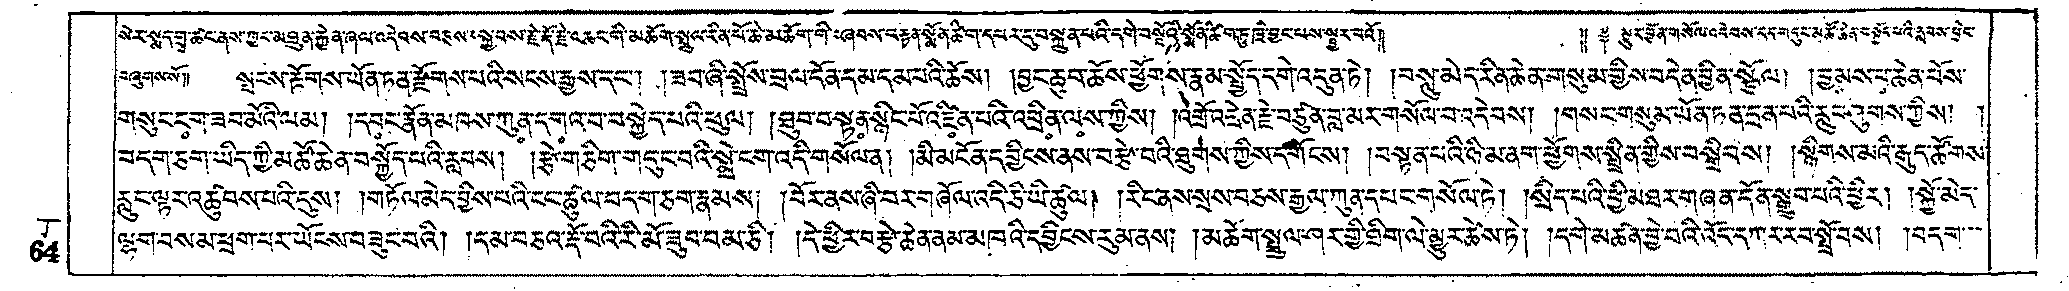སེར་སྨད་གྲྭ་ཚང་ནས་ཀྱང་མཐུན་རྐྱེན་ཞལ་འདེབས་བཅས ༧སྐྱབས་རྗེ་རྡོ་རྗེ་འཆང་གི་མཆོག་སྤྲུལ་རིན་པོ་ཆེ་མཆོག་གི ༧ཞབས་བརྟན་སྨོན་ཚིག་དཔར་དུ་བསྐྲུན་པའི་དགེ་བསྔོའི་སྨོན་ཚིག་ཏུཁྲི་བྱང་པས་སྦྱར་བའོ།། །། འ་མྱུར་བྱོན་གསོལ་འདེབས་དད་གདུང་མཚོ་ཆེན་བསྐྱོད་པའི་རླབས་ཕྲེང་
བཞུགས་སོ།། སྤངས་རྟོགས་ཡོན་ཏན་རྫོགས་པའི་སངས་རྒྱས་དང་། །ཟབ་ཞི་སྤྲོས་བྲལ་དོན་དམ་དམ་པའི་ཆོས། །བྱང་ཆུབ་ཆོས་ཕྱོགས་རྣམ་སྤྱོད་དགེ་འདུན་ཏེ། །བསླུ་མེད་རིན་ཆེན་གསུམ་གྱིས་བདེན་བྱིན་སྩོལ། །བྱམས྾་པ྾་ཆེན་པོས་
གསུང་ངག྾་ཟབ་མོའི་ལམ། །དབང྾་རྣོན་མཁས་ཀུན྾་དགའ྾་བ་བསྐྱེད་པའི་ཕུལ། །ཐུབ་བསྟན྾་སྙིང་པོ་འཛིན྾་པའི་འཕྲིན྾་ལས྾་ཀྱིས། །འགྲོ་འདྲེན་རྗེ་བཙུན་བླ་མར་གསོལ་བ་འདེབས། །གསང་གསུམ་ཡོན་ཏན་དྲན་པའི་རླུང་ཤུགས་ཀྱིས། །
བདག་ཅག་ཡིད་ཀྱི་མཚོ་ཆེན་བསྐྱོད་པའི་རླབས། །རྩེ་གཅིག་གདུང་བའི་སྨྲེ་ངག་འདི་གསོལ་ན། །མི་མངོན་དབྱིངས་ནས་བརྩེ་བའི་ཐུགས་ཀྱིས་དགོངས། །བསྟན་པའི་ཉི་མ་ནག་ཕྱོགས་སྤྲིན་གྱིས་བསྒྲིབས། །སྙིགས་མའི་རྒུད་ཚོགས་
རླུང་ལྟར་འཚུབས་པའི་དུས། །གཏོལ་མེད་བྱིས་པའི་ངང་ཚུལ་བདག་ཅག་རྣམས། །བོར་ནས་ཞི་བར་གཞོལ་འདི་ཅི་ཡི་ཚུལ། །རིང་ནས་སྲས་བཅས་རྒྱལ་ཀུན་དབང་གསོལ་ཏེ། །སྲིད་པའི་ཕྱི་མཐར་གཞན་དོན་སྒྲུབ་པའི་ཕྱིར། །སྐྱོ་མེད་
ལྷག་བསམ་ཕྲག་པར་ཡོངས་བཟུང་བའི། །དམ་བཅའ་རྡོ་བའི་རི་མོ་ཟུབ་བམ་ཅི། །དེ་ཕྱིར་བརྩེ་ཆེན་ནམ་མཁའི་དབྱིངས་རུམ་ནས། །མཆོག་སྤྲུལ་ཤར་གྱི་ཐིག་ལེ་མྱུར་ཚེས་ཏེ། །དགེ་མཚན་བྱེ་བའི་འོད་དཀར་རབ་སྤྲོ་བས། །བདག་་་